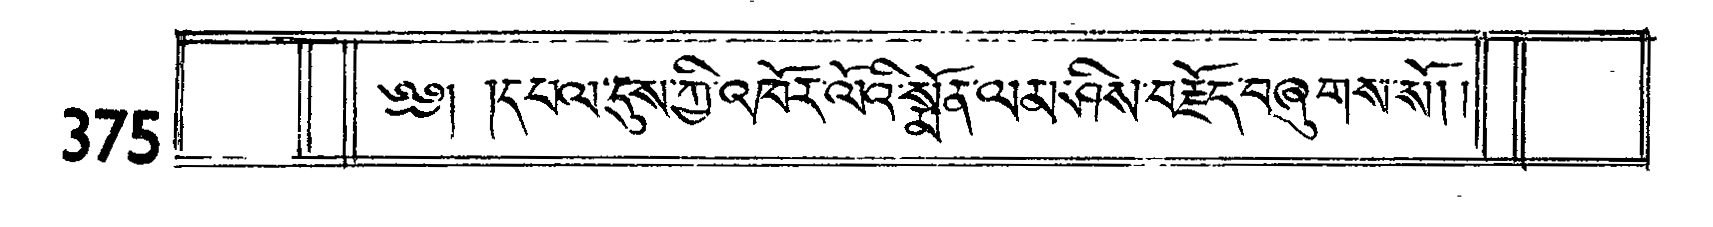༄༅། །དཔལ་དུས་ཀྱི་འཁོར་ལོའི་སྨོན་ལམ་ཤིས་བརྗོད་བཞུགས་སོ། །